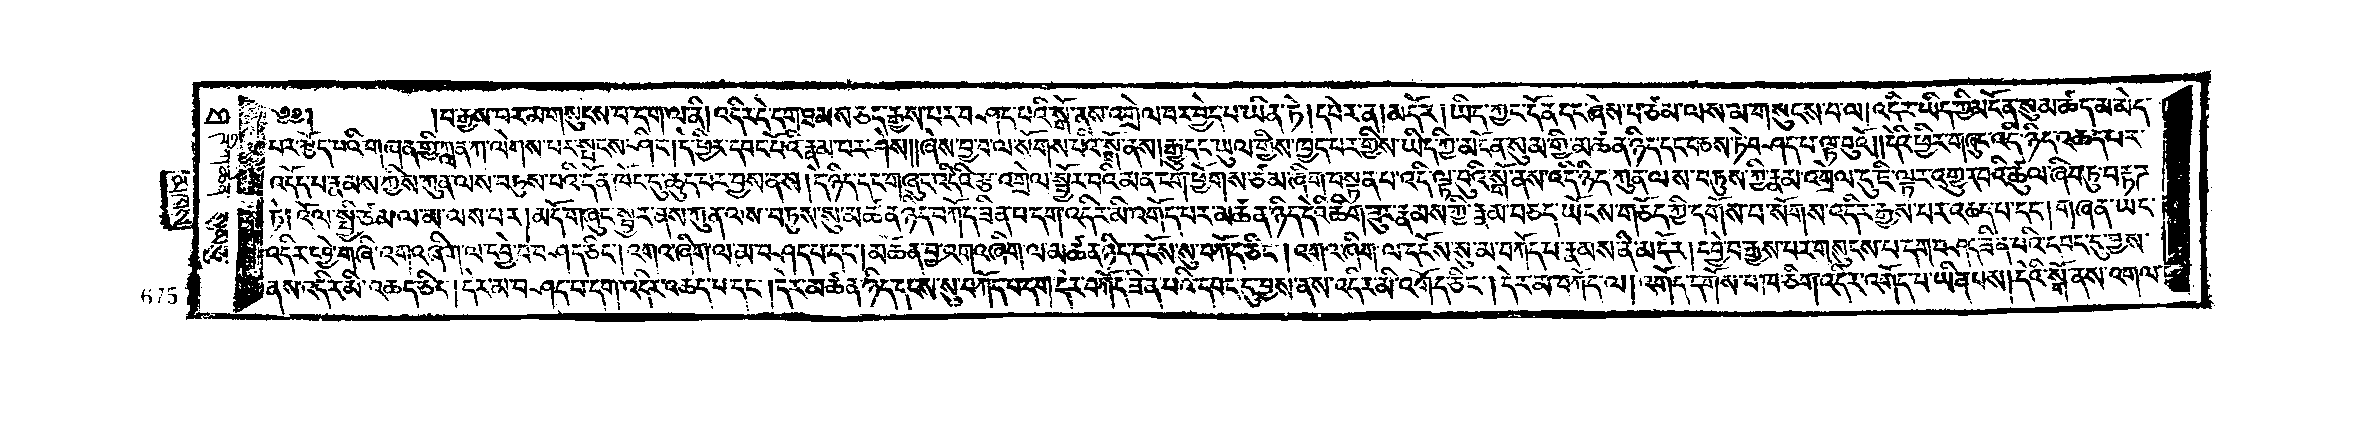༄༅། །པ་རྒྱས་པར་མ་གསུངས་པ་དག་ལ་ནི། འདིར་དེ་དག་ཐམས་ཅད་རྒྱས་པར་བཤད་པའི་སྒོ་ནས་འགྲེལ་བར་བྱེད་པ་ཡིན་ཏེ། དཔེར་ན། མདོར། ཡིད་ཀྱང་དོན་དང་ཞེས་པ་ཙམ་ལས་མ་གསུངས་པ་ལ། འདིར་ཡིད་ཀྱི་མངོན་སུམ་ཚད་མ་མེད་
པར་རྩོད་པའི་གཞན་གྱི་ཀླན་ཀ་ལེགས་པར་སྤངས་ཤིང་། དེ་ཕྱིར་དབང་པོའི་རྣམ་པར་ཤེས། །ཞེས་བྱ་བ་ལ་སོགས་པའི་སྒོ་ནས། རྒྱུ་དང་ཡུལ་གྱིས་ཁྱད་པར་གྱིས་ཡིད་ཀྱི་མངོན་སུམ་གྱི་མཚན་ཉིད་དང་བཅས་ཏེ་བཤད་པ་ལྟ་བུའོ། །དེའི་ཕྱིར་གཞུང་འདི་ཉིད་འཆད་པར་
འདོད་པ་རྣམས་ཀྱིས་ཀུན་ལས་བཏུས་པའི་དོན་ཁོང་དུ་ཆུད་པར་བྱས་ནས། དེ་ཉིད་དང་གཞུང་འདིའི་རྩ་འགྲེལ་སྦྱོར་བའི་མན་ངག་ཕྱོགས་ཙམ་ཞིག་བསྟན་པ་འདི་ལྟ་བུའི་སྒོ་ནས་འདི་ཉིད་ཀུན་ལས་བཏུས་ཀྱི་རྣམ་འགྲེལ་དུ་ཇི་ལྟར་འགྱུར་བའི་ཚུལ་ཞིབ་ཏུ་བརྟགས་
ཏེ། འོལ་སྤྱི་ཙམ་ལ་མ་ལས་པར། མདོ་གཞུང་སྦྱར་ནས་ཀུན་ལས་བཏུས་སུ་མཚན་ཉིད་བཀོད་ཟིན་པ་དག་འདིར་མི་འགོད་པར་མཚན་ཉིད་དེའི་ཚིག་ཟུར་རྣམས་ཀྱི་རྣམ་བཅད་ཡོངས་གཅོད་ཀྱི་དགོས་པ་སོགས་འདིར་རྒྱས་པར་འཆད་པ་དང་། གཞན་ཡང་
འདིར་དབྱེ་གཞི་འགའ་ཞིག་ལ་དབྱེ་བ་བཤད་ཅིང་། འགའ་ཞིག་ལ་མ་བཤད་པ་དང་། མཚོན་བྱ་འགའ་ཞིག་ལ་མཚན་ཉིད་དངོས་སུ་བཀོད་ཅིང་། འགའ་ཞིག་ལ་དངོས་སུ་མ་བཀོད་པ་རྣམས་ནི་མདོར། དབྱེ་བ་རྒྱས་པར་གསུངས་པ་དག་བཤད་ཟིན་པའི་དབང་དུ་བྱས་
ནས་འདིར་མི་འཆད་ཅིང་། དེར་མ་བཤད་པ་དག་འདིར་འཆད་པ་དང་། དེར་མཚན་ཉིད་དངོས་སུ་བཀོད་པ་དག་དེར་བཀོད་ཟིན་པའི་དབང་དུ་བྱས་ནས་འདིར་མི་འགོད་ཅིང་། དེར་མ་བཀོད་ལ། འགོད་དགོས་པ་ཁ་ཅིག་འདིར་འགོད་པ་ཡིན་པས། དེའི་སྒོ་ནས་འགལ་